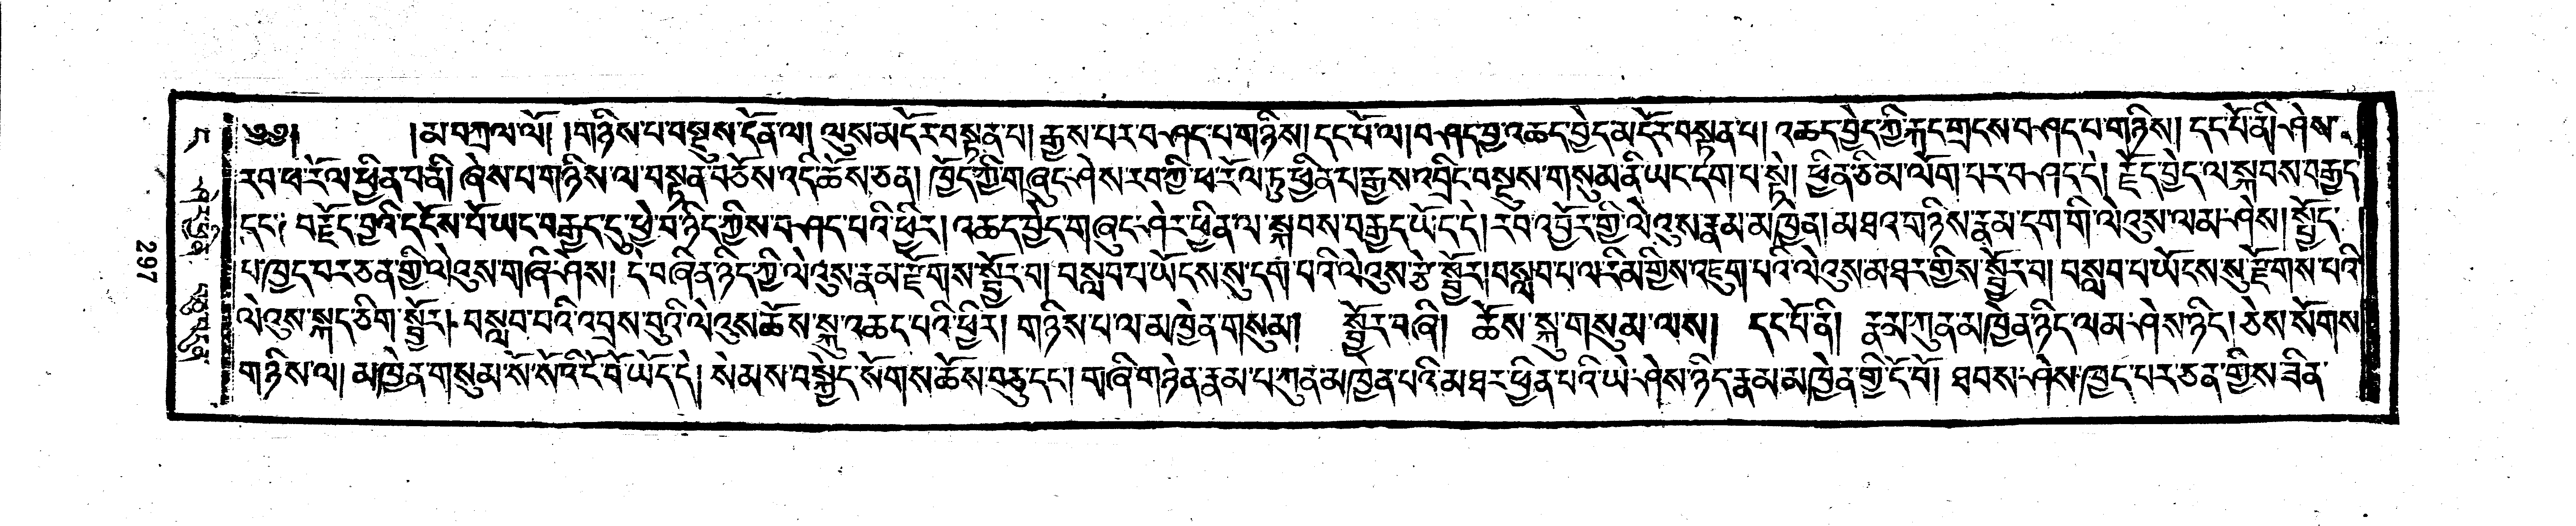༄༅། །མ་བཀྲལ་ལོ། །གཉིས་པ་བསྡུས་དོན་ལ། ལུས་མདོར་བསྟན་པ། རྒྱས་པར་བཤད་པ་གཉིས། དང་པོ་ལ། བཤད་བྱ་འཆད་བྱེད་མདོར་བསྟན་པ། འཆད་བྱེད་ཀྱི་རྐང་གྲངས་བཤད་པ་གཉིས། དང་པོ་ནི། ཤེས་
རབ་ཕ་རོལ་ཕྱིན་པ་ནི། ཞེས་པ་གཉིས་ལ་བསྟན་བཅོས་འདི་ཆོས་ཅན། ཁྱོད་ཀྱི་གཞུང་ཤེས་རབ་ཀྱི་ཕ་རོལ་ཏུ་ཕྱིན་པ་རྒྱས་འབྲིང་བསྡུས་གསུམ་ནི་ཡང་དག་པ་སྟེ། ཕྱིན་ཅི་མ་ལོག་པར་བཤད་དེ། རྗོད་བྱེད་ལ་སྐབས་བརྒྱད་
དང༑ བརྗོད་བྱའི་དངོས་པོ་ཡང་བརྒྱད་དུ་ཕྱེ་བ་ཉིད་ཀྱིས་བཤད་པའི་ཕྱིར། འཆད་བྱེད་གཞུང་ཤེར་ཕྱིན་ལ་སྐབས་བརྒྱད་ཡོད་དེ། རབ་འབྱོར་གྱི་ལེའུས་རྣམ་མཁྱེན། མཐའ་གཉིས་རྣམ་དག་གི་ལེའུས་ལམ་ཤེས། སྤྱོད་
པ་ཁྱད་པར་ཅན་གྱི་ལེའུས་གཞི་ཤེས། དེ་བཞིན་ཉིད་ཀྱི་ལེའུས་རྣམ་རྫོགས་སྦྱོར་བ། བསླབ་པ་ཡོངས་སུ་དག་པའི་ལེའུས་རྩེ་སྦྱོར། བསླབ་པ་ལ་རིམ་གྱིས་འཇུག་པའི་ལེའུས་མཐར་གྱིས་སྦྱོར་བ། བསླབ་པ་ཡོངས་སུ་རྫོགས་པའི་
ལེའུས་སྐད་ཅིག་སྦྱོར། བསླབ་པའི་འབྲས་བུའི་ལེའུས་ཆོས་སྐུ་འཆད་པའི་ཕྱིར། གཉིས་པ་ལ་མཁྱེན་གསུམ། སྦྱོར་བཞི། ཆོས་སྐུ་གསུམ་ལས། དང་པོ་ནི། རྣམ་ཀུན་མཁྱེན་ཉིད་ལམ་ཤེས་ཉིད། ཅེས་སོགས་
གཉིས་ལ། མཁྱེན་གསུམ་སོ་སོའི་ངོ་བོ་ཡོད་དེ། སེམས་བསྐྱེད་སོགས་ཆོས་བཅུ་དང་། གཞི་གཉེན་རྣམ་པ་ཀུན་མཁྱེན་པའི་མཐར་ཕྱིན་པའི་ཡེ་ཤེས་ཉིད་རྣམ་མཁྱེན་གྱི་ངོ་བོ། ཐབས་ཤེས་ཁྱད་པར་ཅན་གྱིས་ཟིན་